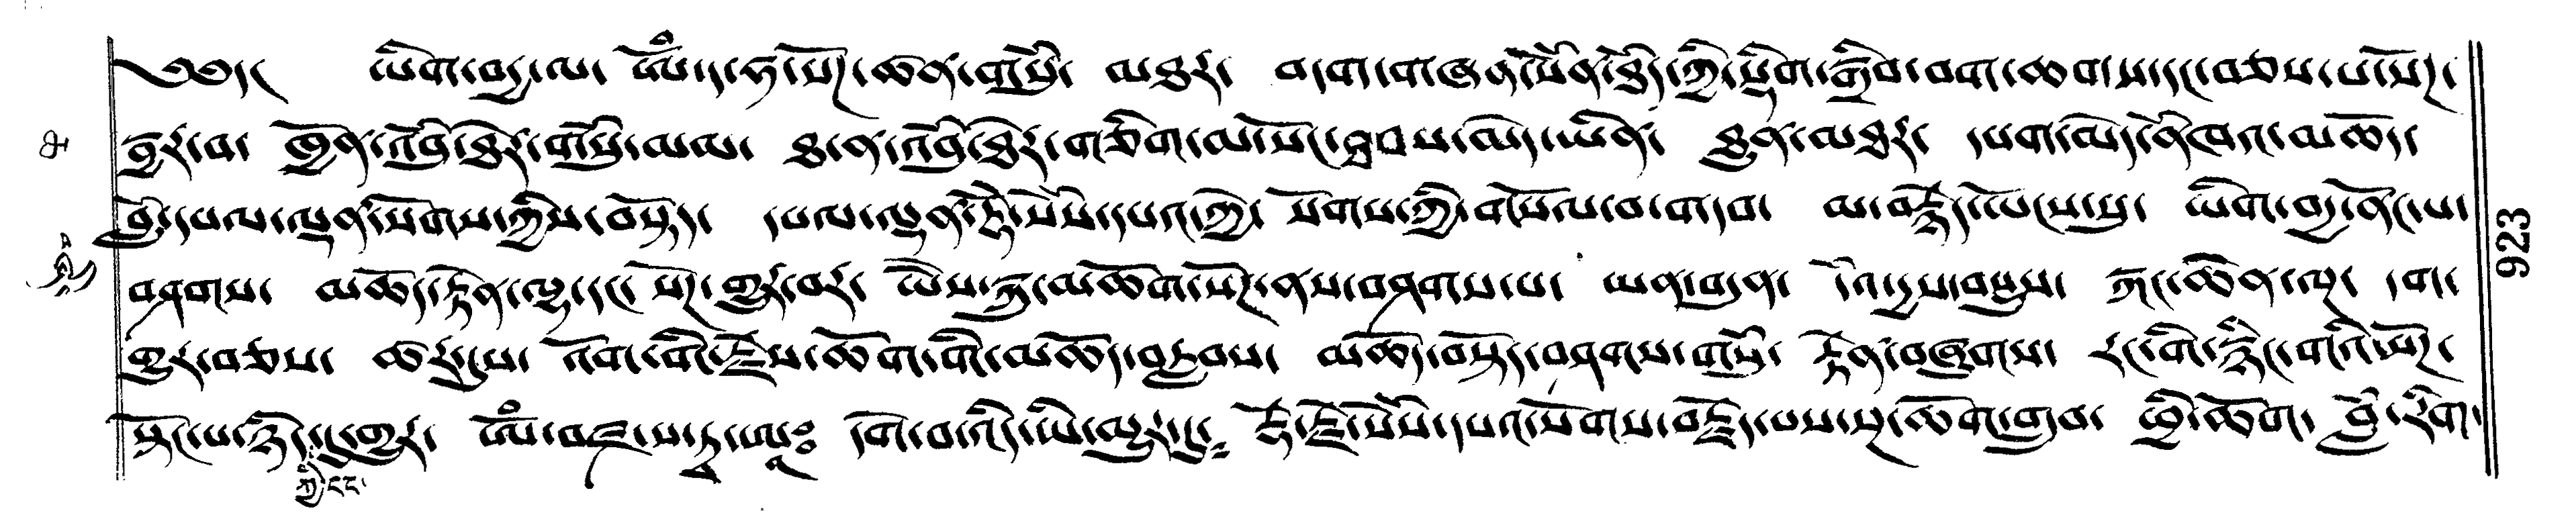ཡིག་བརྒྱ་ལ། ཨོཾ་ད་ཧ༴ སོགས་ཚན་གསུམ། མཐར། བདག་གཞན་སེམས་ཅན་ཐམས་ཅད་ཀྱི་སྡིག་སྒྲིབ་བག་ཆགས་དང་བཅས་པ༴སོགས་
སྦྱར་བ། ཁྱོན་འབུམ་ཐེར་གསུམ་མམ། ཐ་ན་འབུམ་ཐེར་གཅིག་མ་སོང་ཐབས་མེད་ཡིན། ཐུན་མཐར། དཔག་མེད་ནམ་མཁའ༴ སོགས་ཀྱིས་མཆོད། 
བླ་མ་དཔལ་ལྡན༴ སོགས་ཀྱིས་བསྟོད། དཔལ་ལྡན་རྡོ་རྗེ་སེམས་དཔའ་ཀྱཻ། སོགས་ཀྱི་གསོལ་བ་གདབ། མ་བརྙེད་ཡོངས་སུ༴ ཡིག་བརྒྱས་ནོངས་པ་
བཤགས། མཆོད་རྟེན་ལྷ་དང༴ སོགས། གྱུར༴ བར། ཡེ་ཤེས་སྐུ་མཆོག༴ སོགས་ནས་བཤགས་པ། ཡན་བདུན། དམ་བཅའ་རྒྱས་བསྡུས། སྐང་ཆེན་ལྔ། དག་
གྱུར་བཅས། ཚར་དུས། འོག་གི་རྗེས་ཆོག་གི་མཆོད་བརླབས། མཆོད་བསྟོད་བཤགས་གསུམ། རྟེན་བཞུགས། རང་གི་སྙིང་གའི༴ སོགས། 
སྟོང་པ་ཉིད་དུ་གྱུར། ཨོཾ་བཛྲ་ས་ཏྭ་ཨཱཿ དགེ་བ་འདི་ཡི་མྱུར་དུ་བདག །རྡོ་རྗེ་སེམས་དཔའ༴ སོགས་བརྗོད་པས་སྔ་ཆོག་གྲུབ། ཕྱི་ཆོག བླ་མ་རིག་